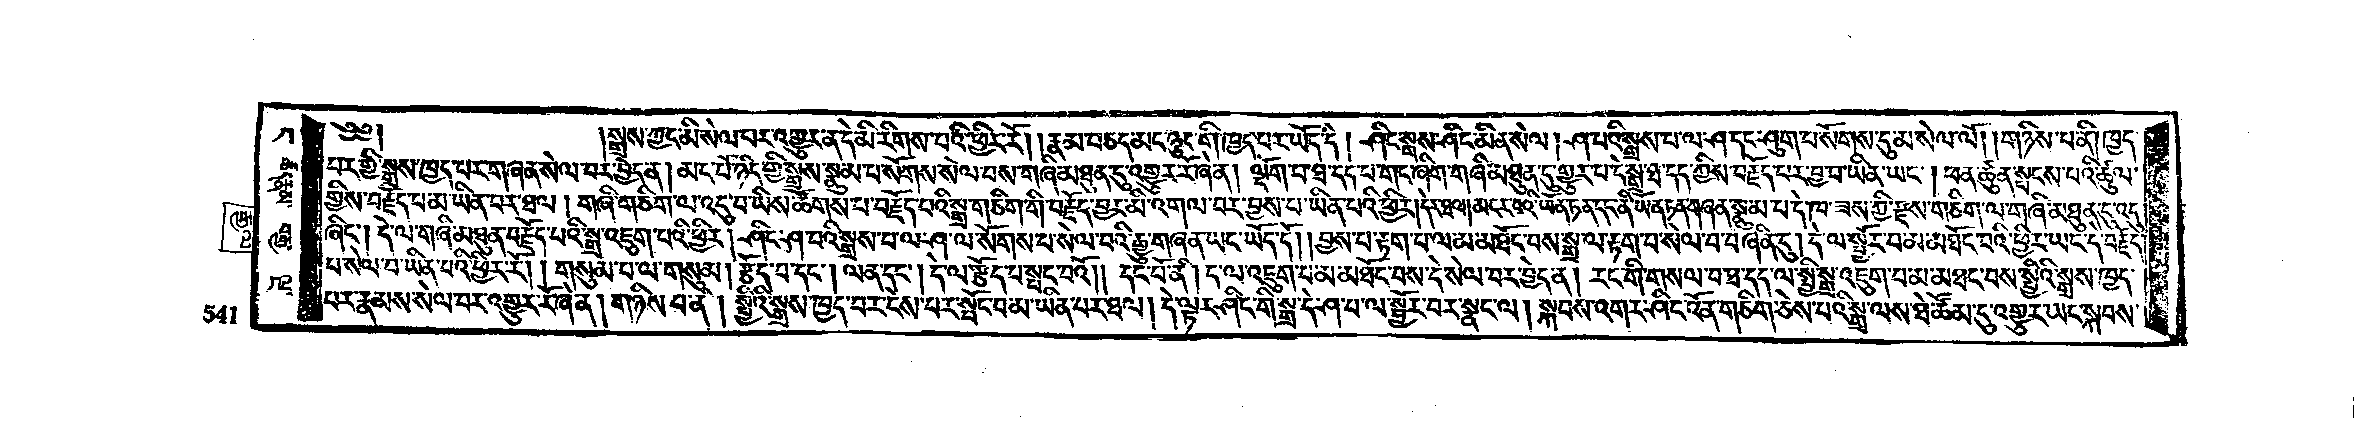༄༅། །སྒྲས་ཀྱང་མི་སེལ་པར་འགྱུར་ན་དེ་མི་རིགས་པའི་ཕྱིར་རོ། །རྣམ་བཅད་མང་ཉུང་གི་ཁྱད་པར་ཡོད་དེ། ཤིང་སྒྲས་ཤིང་མིན་སེལ། ཤ་པའི་སྒྲས་པ་ལ་ཤ་དང་ཤུག་པ་སོགས་དུ་མ་སེལ་ལོ། །གཉིས་པ་ནི། ཁྱད་
པར་གྱི་སྒྲས་ཁྱད་པར་གཞན་སེལ་བར་བྱེད་ན། མང་པོ་ཉིད་གྱི་སྒྲས་སྣུམ་པ་སོགས་སེལ་བས་གཞི་མཐུན་དུ་འགྱུར་རོ་ཞེ་ན། ལྡོག་པ་ཐ་དད་པ་གང་ཞིག་གཞི་མཐུན་དུ་གྱུར་པ་དེ་སྒྲ་ཐ་དད་ཀྱིས་བརྗོད་པར་བྱ་བ་ཡིན་ཡང་། ཕན་ཚུན་སྤངས་པའི་ཚུལ་
གྱིས་བརྗོད་པ་མ་ཡིན་པར་ཐལ། གཞི་གཅིག་ལ་འདུ་བ་ཡིས་ཚོགས་པ་བརྗོད་པའི་སྒྲ་གཅིག་གི་བརྗོད་བྱར་མི་འགལ་བར་བྱས་པ་ཡིན་པའི་ཕྱིར། དེར་ཐལ། མངར་བའི་ཡོན་ཏན་དང་ནི་ཡོན་ཏན་གཞན་སྣུ?་མ་པ་དེ་ཁ་ཟས་ཀྱི་རྫས་གཅིག་ལ་གཞི་མཐུན་དུ་འདུ་
ཞིང༑ དེ་ལ་གཞི་མཐུན་བརྗོད་པའི་སྒྲ་འཇུག་པའི་ཕྱིར། ཤིང་ཤ་པའི་སྒྲས་པ་ལ་ཤ་ལ་སོགས་པ་སེལ་བའི་རྒྱུ་གཞན་ཡང་ཡོད་དོ། །བྱས་པ་རྟག་པ་ལ་མ་མཐོང་བས་སྒྲ་ལ་རྟག་པ་སེལ་བ་བཞིན་དུ། དེ་ལ་སྦྱོར་བ་མ་མཐོང་བའི་ཕྱིར་ཡང་དེ་བརྗོད་
པ་སེལ་བ་ཡིན་པའི་ཕྱིར་རོ། །གསུམ་པ་ལ་གསུམ། རྩོད་པ་དང་། ལན་དང་། དེ་ལ་རྩོད་པ་སྤང་བའོ། །དང་པོ་ནི། དེ་ལ་འཇུག་པ་མ་མཐོང་བས་དེ་སེལ་བར་བྱེད་ན། རང་གི་གསལ་བ་ཐ་དད་ལ་སྤྱི་སྒྲ་འཇུག་པ་མ་མཐང་བས་སྤྱིའི་སྒྲས་ཁྱད་
པར་རྣམས་སེལ་བར་འགྱུར་རོ་ཞེ་ན། གཉིས་པ་ནི། སྤྱིའི་སྒྲས་ཁྱད་པར་ངེས་པར་སྤོང་བ་མ་ཡིན་པར་ཐལ། དེ་ལྟར་ཤིང་གི་སྒྲ་དེ་ཤ་པ་ལ་སྦྱོར་བར་སྣང་ལ། སྐབས་འགར་ཤིང་འོན་གཅིག་ཅེས་པའི་སྒྲ་ལས་ཐེ་ཚོམ་དུ་འགྱུར་ཡང་སྐབས་